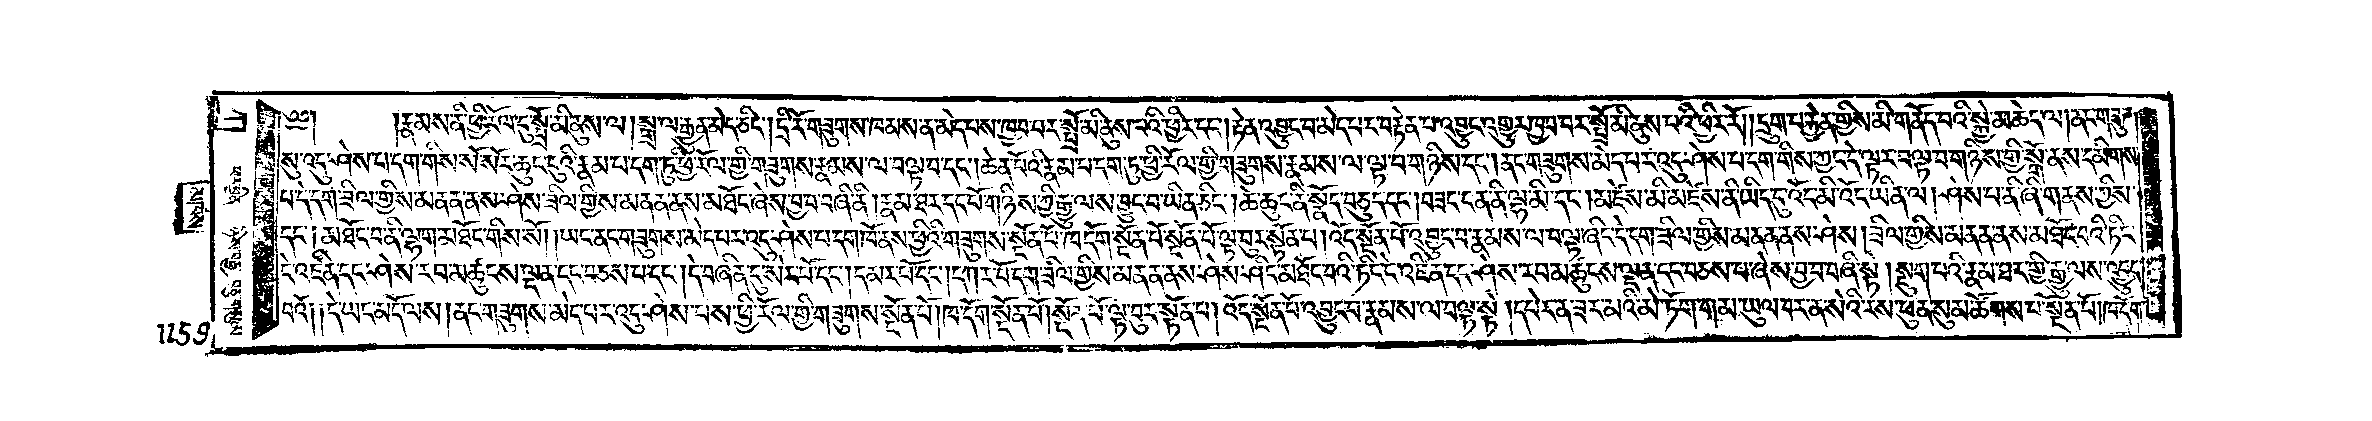༄༅། །རྣམས་ནི་ཕྱི་རོལ་དུ་སྤྲོ་མི་ནུས་ལ། སྒྲ་ལ་རྒྱུན་མེད་ཅིང་། དྲི་རོ་གཟུགས་ཁམས་ན་མེད་པས་ཁྱབ་པར་སྤྲོ་མི་ནུས་པའི་ཕྱིར་དང་། རྟེན་འབྱུང་བ་མེད་པར་བརྟེན་པ་འབྱུང་འགྱུར་ཁྱབ་པར་སྤྲོ་མི་ནུས་པའི་ཕྱིར་རོ། །དྲུག་པ་རྐྱེན་གྱིས་མི་གནོད་པའི་སྐྱེ་མཆེད་ལ། ནང་གཟུགས་
སུ་འདུ་ཤེས་པ་དག་གིས་སོ་སོར་ཆུང་ངུའི་རྣམ་པ་དག་ཏུ་ཕྱི་རོལ་གྱི་གཟུགས་རྣམས་ལ་བལྟ་བ་དང་། ཆེན་པོའི་རྣམ་པ་དག་ཏུ་ཕྱི་རོལ་གྱི་གཟུགས་རྣམས་ལ་ལྟ་བ་གཉིས་དང་། ནང་གཟུགས་མེད་པར་འདུ་ཤེས་པ་དག་གིས་ཀྱང་དེ་ལྟར་བལྟ་བ་གཉིས་གྱི་སྒོ་ནས་དམིགས་
པ་དེ་དག་ཟིལ་གྱིས་མནན་ནས་ཤེས་ཟིལ་གྱིས་མནན་ནས་མཐོང་ཞེས་བྱ་བ་བཞི་ནི། རྣམ་ཐར་དང་པོ་གཉིས་ཀྱི་རྒྱུ་ལས་བྱུང་བ་ཡིན་ཅིང་། ཆེ་ཆུང་ནི་སྣོད་བཅུད་དང་། བཟང་ངན་ནི་ལྷ་མི་དང་། མཛེས་མི་མཛེས་ནི་ཡིད་དུ་འོང་མི་འོང་ཡིན་ལ། ཤེས་པ་ནི་ཞི་གནས་ཀྱིས་
དང་། མཐོང་བ་ནི་ལྷག་མཐོང་གིས་སོ། །ཡང་ནང་གཟུགས་མེད་པར་འདུ་ཤེས་པ་དག་ཁོ་ནས་ཕྱིའི་གཟུགས་སྔོན་པོ་ཁ་དོག་སྔོན་པོ་སྔོན་པོ་ལྟ་བུར་སྟོན་པ། འོད་སྔོན་པོ་འབྱུང་བ་རྣམས་ལ་བལྟ་ཞིང་དེ་དག་ཟིལ་གྱིས་མནན་ནས་ཤེས། ཟིལ་གྱིས་མནན་ནས་མཐོང་བའི་ཏིང་
ངེ་འཛིན་དང་ཤེས་རབ་མཚུངས་ལྡན་དང་བཅས་པ་དང་། དེ་བཞིན་དུ་སེར་པོ་དང་། དམར་པོ་དང་། དཀར་པོ་དག་ཟིལ་གྱིས་མནན་ནས་ཤེས་ཤིང་མཐོང་བའི་ཏིང་ངེ་འཛིན་དང་ཤེས་རབ་མཚུངས་ལྡན་དང་བཅས་པ་ཞེས་བྱ་བ་བཞི་སྟེ། སྡུག་པའི་རྣམ་ཐར་གྱི་རྒྱུ་ལས་འབྱུང་
བའོ། །དེ་ཡང་མདོ་ལས། ནང་གཟུགས་མེད་པར་འདུ་ཤེས་པས་ཕྱི་རོལ་གྱི་གཟུགས་སྔོན་པོ། ཁ་དོག་སྔོན་པོ། སྔོན་པོ་ལྟ་བུར་སྟོན་པ། འོད་སྔོན་པོ་འབྱུང་བ་རྣམས་ལ་བལྟ་སྟེ། དཔེར་ན་ཟར་མའི་མེ་ཏོག་གམ་ཡུལ་བར་ན་སེའི་རས་ཕུན་སུམ་ཚོགས་པ་སྔོན་པོ། ཁ་དོག་